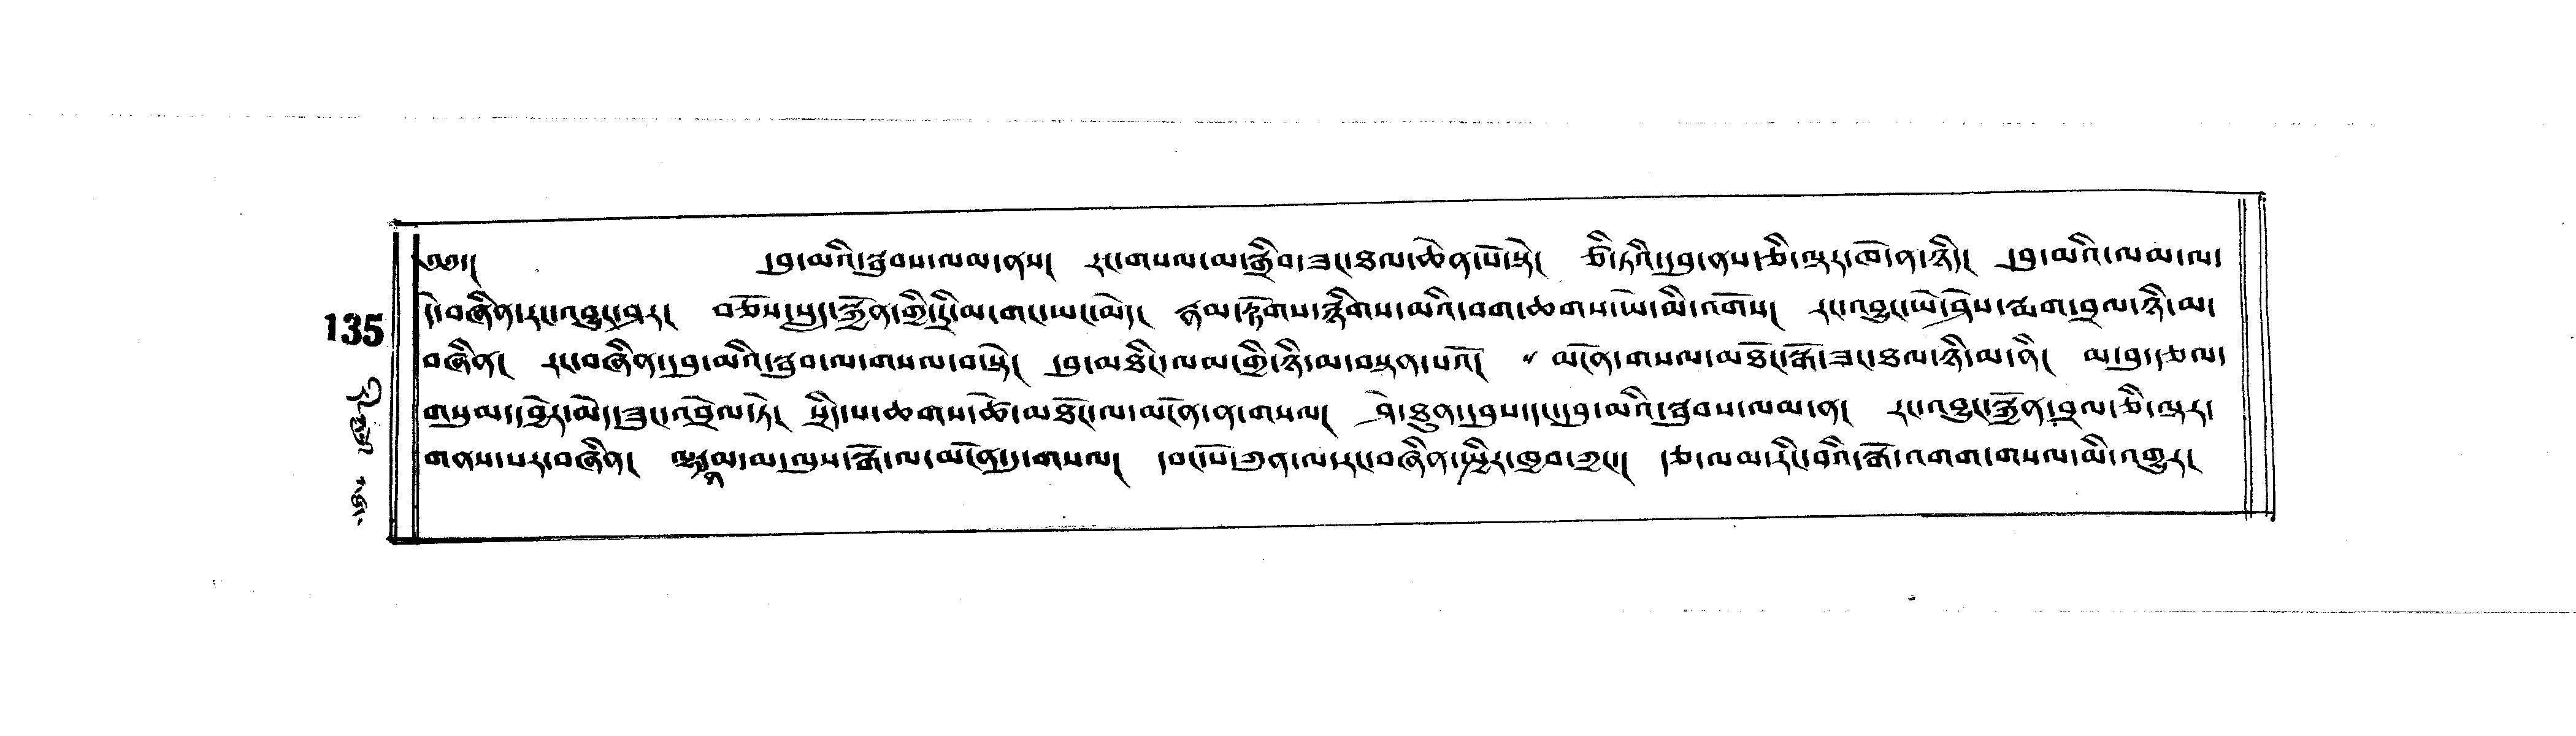དབུ་མའི་སྦུབས་ལམ་ནས། རང་གསལ་མ་བསྒྲིབས་ཟང་ཐལ་ཆེན་པོ་སྟེ། ཙི་རྟའི་དབུས་ནས་ཅི་ལྟར་ཁོ་ན་ཉིད། དབུ་མའི་ལམ་ལ་
དེ་བཞིན་རང་འབྱུང་ཤར། བཅོས་སླད་སྐྱོན་གྱི་དྲི་མ་གང་ཡང་མེད། རྣམ་རྟོག་སྙིགས་མའི་བག་ཆགས་ཡེ་མི་འགོས། རང་འབྱུང་ཡེ་ཤེས་སྨག་བྲལ་ཉི་མ་
བཞིན། རང་བཞིན་དབུ་མའི་སྦུབས་ལ་གསལ་བ་སྟེ། དབུ་མཐིང་ལམ་གྱི་ཉི་མ་བསྟན་པའོ། ༧ མངོན་གསལ་མཐོང་སྒོ་ཟང་ཐལ་ཉི་མ་ནི། མ་བུ་རྩལ་
གསུམ་དབྱེར་མེད་ཟུང་འབྲེལ་ཏེ། སྲིད་པ་ཆགས་ཚེ་མཐོང་ལ་མངོན་ན་གསལ། ཤེ་ཐུན་དབུས་དང་དབུ་མའི་སྦུབས་ལམ་ན། རང་བྱུང་སྐྱོན་བྲལ་ཅི་ལྟར་
གནས་པ་བཞིན། ལྷག་མ་མ་ལུས་སྒོ་ལ་མངོན་དུ་གསལ། དབང་པོ་ཀུན་ལ་རང་བཞིན་སྤྱིར་ཁྱབ་ཀྱང་། རྩ་ལམ་རིང་བའི་སྒོ་འགག་གསལ་མི་འགྱུར།